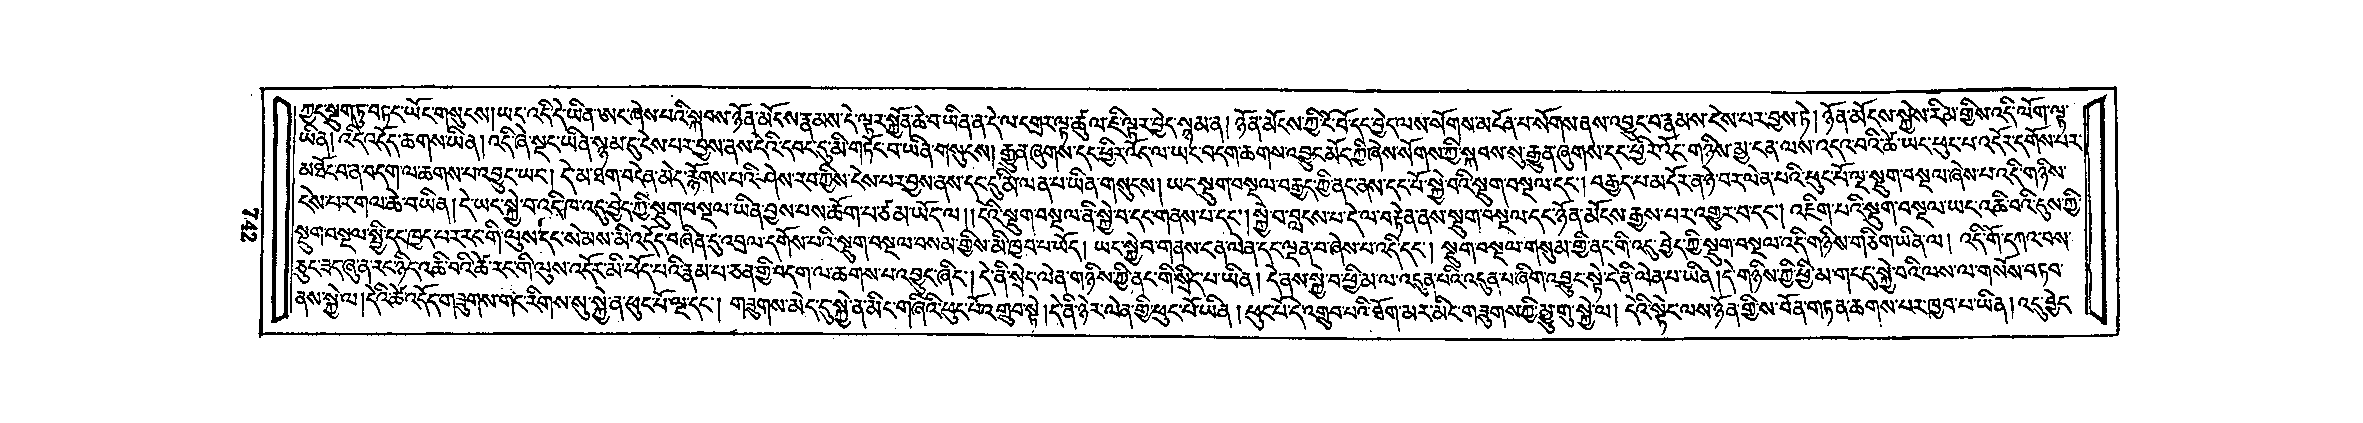ཀྱང་སྡུག་ཏུ་བཏང་ཡོང་གསུངས། ཡང་འདི་དེ་ཡིན་ཨང་ཞེས་པའི་སྐབས་ཉོན་མོངས་རྣམས་དེ་ལྟར་སྐྱོན་ཆེ་བ་ཡིན་ན་དེ་ལ་དགྲར་ལྟ་ཚུལ་ཇི་ལྟར་བྱེད་སྙམ་ན། ཉོན་མོངས་ཀྱི་ངོ་བོ་དང་བྱེད་ལས་སོགས་མངོན་པ་སོགས་ནས་འབྱུང་བ་རྣམས་ངེས་པར་བྱས་ཏེ། ཉོན་མོངས་སྐྱེས་རིམ་གྱིས་འདི་ལོག་ལྟ་
ཡིན། འདི་འདོད་ཆགས་ཡིན། འདི་ཞེ་སྡང་ཡིན་སྙམ་དུ་ངེས་པར་བྱས་ནས་དེའི་དབང་དུ་མི་གཏོང་བ་ཡིན་གསུངས། རྒྱུན་ཞུགས་དང་ཕྱིར་འོང་ལ་ཡང་བདག་ཆགས་འབྱུང་མོད་ཀྱི་ཞེས་སོགས་ཀྱི་སྐབས་སུ་རྒྱུན་ཞུགས་དང་ཕྱིར་འོང་གཉིས་མྱ་ངན་ལས་འདའ་བའི་ཚེ་ཡང་ཕུང་པ་འདོར་དགོས་པར་
མཐོང་བ་ན་བདག་ལ་ཆགས་པ་འབྱུང་ཡང་། དེ་མ་ཐག་བདེན་མེད་རྙོགས་པའི་ཤེས་རབ་ཀྱིས་ངེས་པར་བྱས་ནས་དང་དུ་མི་ལན་པ་ཡིན་གསུངས། ཡང་སྡུག་བསྔལ་བརྒྱད་ཀྱི་ནང་ནས་དང་པོ་སྐྱེ་བའི་སྡུག་བསྔལ་དང་། བརྒྱད་པ་མདོར་ན་ཉེ་བར་ལེན་པའི་ཕུང་པོ་ལྔ་སྡུག་བསྔལ་ཞེས་པ་འདི་གཉིས་
ངེས་པར་གལ་ཆེ་བ་ཡིན། དེ་ཡང་སྐྱེ་བ་འདི་ཁ་འདུ་བྱེད་ཀྱི་སྡུག་བསྔལ་ཡིན་བྱས་པས་ཆོག་པ་ཙམ་ཡོད་ལ། །དེའི་སྡུག་བསྔལ་ནི་སྐྱེ་བ་དང་གནས་པ་དང་། སྐྱེ་བ་བླངས་པ་དེ་ལ་བརྟེན་ནས་སྡུག་བསྔལ་དང་ཉོན་མོངས་རྒྱས་པར་འགྱུར་བ་དང་། འཇིག་པའི་སྡུག་བསྔལ་ཡང་འཆི་བའི་དུས་ཀྱི་
སྡུག་བསྔལ་སྤྱི་དང་ཁྱད་པར་རང་གི་ལུས་དང་སེམས་མི་འདོད་བཞིན་དུ་འབྲལ་དགོས་པའི་སྡུག་བསྔལ་བསམ་གྱིས་མི་ཁྱབ་པ་ཡོད། ཡང་སྐྱེ་བ་གནས་ངན་ལེན་དང་ལྡན་པ་ཞེས་པ་འདི་དང་། སྡུག་བསྔལ་གསུམ་གྱི་ནང་གི་འདུ་བྱེད་ཀྱི་སྡུག་བསྔལ་འདི་གཉིས་གཅིག་ཡིན་ལ། འདི་གོ་དཀའ་བས་
ཅུང་ཟད་ཞུ་ན་རང་ཉིད་འཆི་བའི་ཚེ་རང་གི་ལུས་འདོར་མི་ཕོད་པའི་རྣམ་པ་ཅན་གྱི་བདག་ལ་ཆགས་པ་འབྱུང་ཞིང་། དེ་ནི་སྲེད་ལེན་གཉིས་ཀྱི་ནང་གི་སྲིད་པ་ཡིན། དེ་ནས་སྐྱེ་བ་ཕྱི་མ་ལ་འདུན་པའི་འདུན་པ་ཞིག་འབྱུང་སྟེ་དེ་ནི་ལེན་པ་ཡིན། དེ་གཉིས་ཀྱི་ཕྱི་མ་གང་དུ་སྐྱེ་བའི་ལས་ལ་གསོས་བཏབ་
ནས་སྐྱེ་ལ། དེའི་ཚེ་འདོད་གཟུགས་གང་རིགས་སུ་སྐྱེ་ན་ཕུང་པོ་ལྔ་དང་། གཟུགས་མེད་དུ་སྐྱེ་ན་མིང་གཞིའི་ཕུང་པོ་འགྲུབ་སྟེ། དེ་ནི་ཉེར་ལེན་གྱི་ཕུང་པོ་ཡིན། ཕུང་པོ་དེ་འགྲུབ་པའི་ཐོག་མར་མིང་གཟུགས་ཀྱི་མྱུ་གུ་སྐྱེ་ལ། དེའི་སྟེང་ལས་ཉོན་གྱི་ས་བོན་གཏན་ཆགས་པར་ཁྱབ་པ་ཡིན། འདུ་བྱེད་